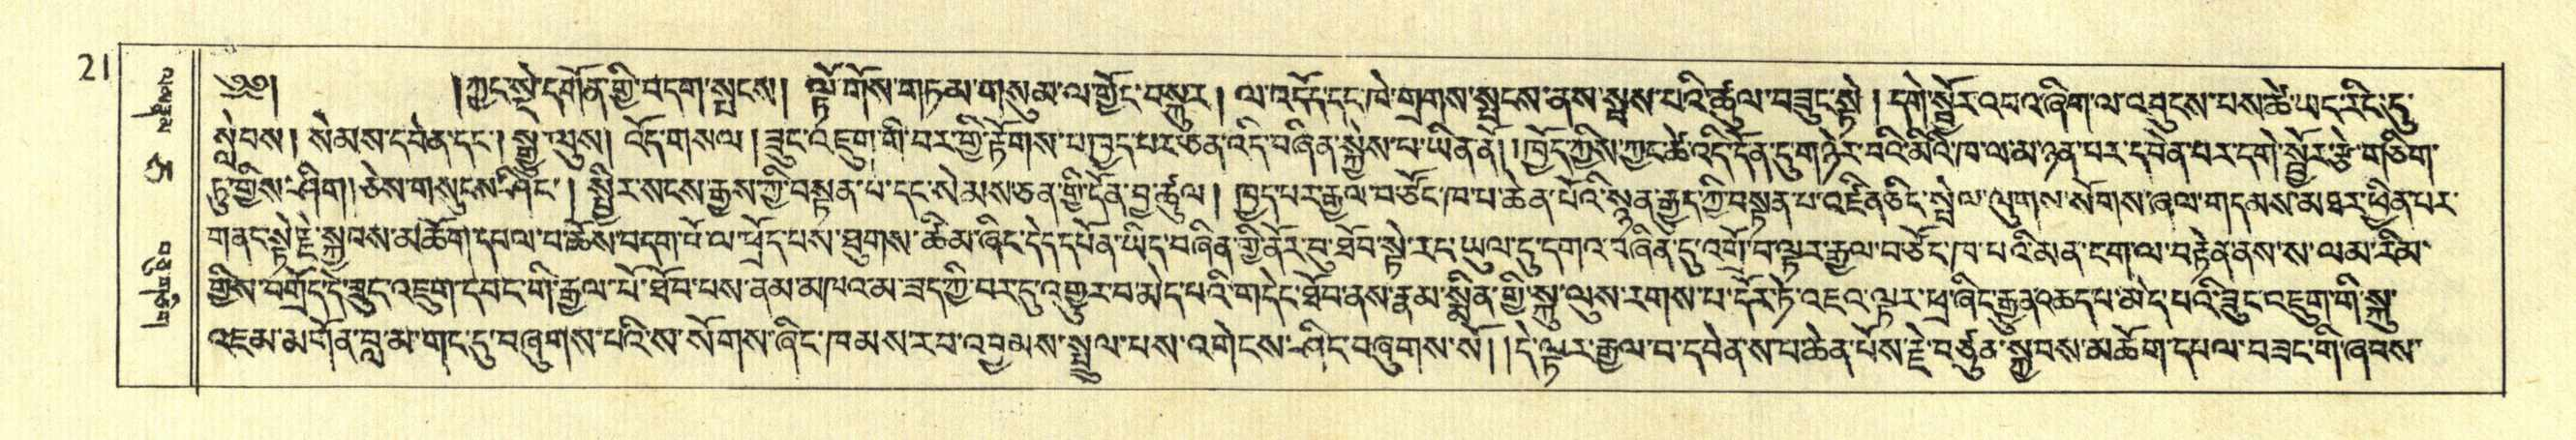༄༅། །ཀྱང་སྡེ་དགོན་གྱི་བདག་སྤངས། ལྟོ་གོས་གཏམ་གསུམ་ལ་གྱོང་བསྐུར། ལ་འདོད་དང་ཁེ་གྲགས་སྤངས་ནས་སྦས་པའི་ཚུལ་བཟུང་སྟེ། དགེ་སྦྱོར་འབའ་ཞིག་ལ་འབུངས་པས་ཚེ་ཡང་རིང་དུ་
སླེབས། སེམས་དབེན་དང་། སྒྱུ་ལུས། འོད་གསལ། ཟུང་འཇུག་གི་བར་གྱི་རྟོགས་པ་ཁྱད་པར་ཅན་འདི་བཞིན་སྐྱེས་པ་ཡིན་ནོ། །ཁྱོད་ཀྱིས་ཀྱང་ཚེ་འདི་དོན་དུ་གཉེར་བའི་མིའི་ཁ་ལ་མ་ཉན་པར་དབེན་པར་དགེ་སྦྱོར་རྩེ་གཅིག་
ཏུ་གྱིས་ཤིག། ཅེས་གསུངས་ཤིང་། སྤྱིར་སངས་རྒྱས་ཀྱི་བསྟན་པ་དང་སེམས་ཅན་གྱི་དོན་བྱ་ཚུལ། ཁྱད་པར་རྒྱལ་བ་ཙོང་ཁ་པ་ཆེན་པོའི་སྙན་རྒྱུད་ཀྱི་བསྟན་པ་འཛིན་ཅིང་སྤེལ་ལུགས་སོགས་ཞལ་གདམས་མཐར་ཕྱིན་པར་
གནང་སྟེ་རྗེ་སྐྱབས་མཆོག་དཔལ་བ་ཆོས་བདག་པོ་ལ་ཕྲོད་པས་ཐུགས་ཚིམ་ཞིང་དེད་དཔོན་ཡིད་བཞིན་གྱི་ནོར་བུ་ཐོབ་སྟེ་རང་ཡུལ་དུ་དགའ་བཞིན་དུ་འགྲོ་བ་ལྟར་རྒྱལ་བ་ཙོང་ཁ་པའི་མན་ངག་ལ་བརྟེན་ནས་ས་ལམ་རིམ་
གྱིས་བགྲོད་དེ་ཟུང་འཇུག་དབང་གི་རྒྱལ་པོ་ཐོབ་པས་ནམ་མཁའ་མ་ཟད་ཀྱི་བར་དུ་འགྱུར་བ་མེད་པའི་གདེང་ཐོབ་ནས་རྣམ་སྨིན་གྱི་སྐུ་ལུས་རགས་པ་དོར་ཏེ་འཇའ་ལྟར་ཕྲ་ཞིང་རྒྱུན་འཆད་པ་མེད་པའི་ཟུང་འཇུག་གི་སྐུ་
འཇམ་མགོན་བླ་མ་གང་དུ་བཞུགས་པའི་ས་སོགས་ཞིང་ཁམས་རབ་འབྱམས་སྤྲུལ་པས་འགེངས་ཤིང་བཞུགས་སོ། །དེ་ལྟར་རྒྱལ་བ་དབེན་ས་པ་ཆེན་པོས་རྗེ་བཙུན་སྐྱབས་མཆོག་དཔལ་བཟང་གི་ཞབས་